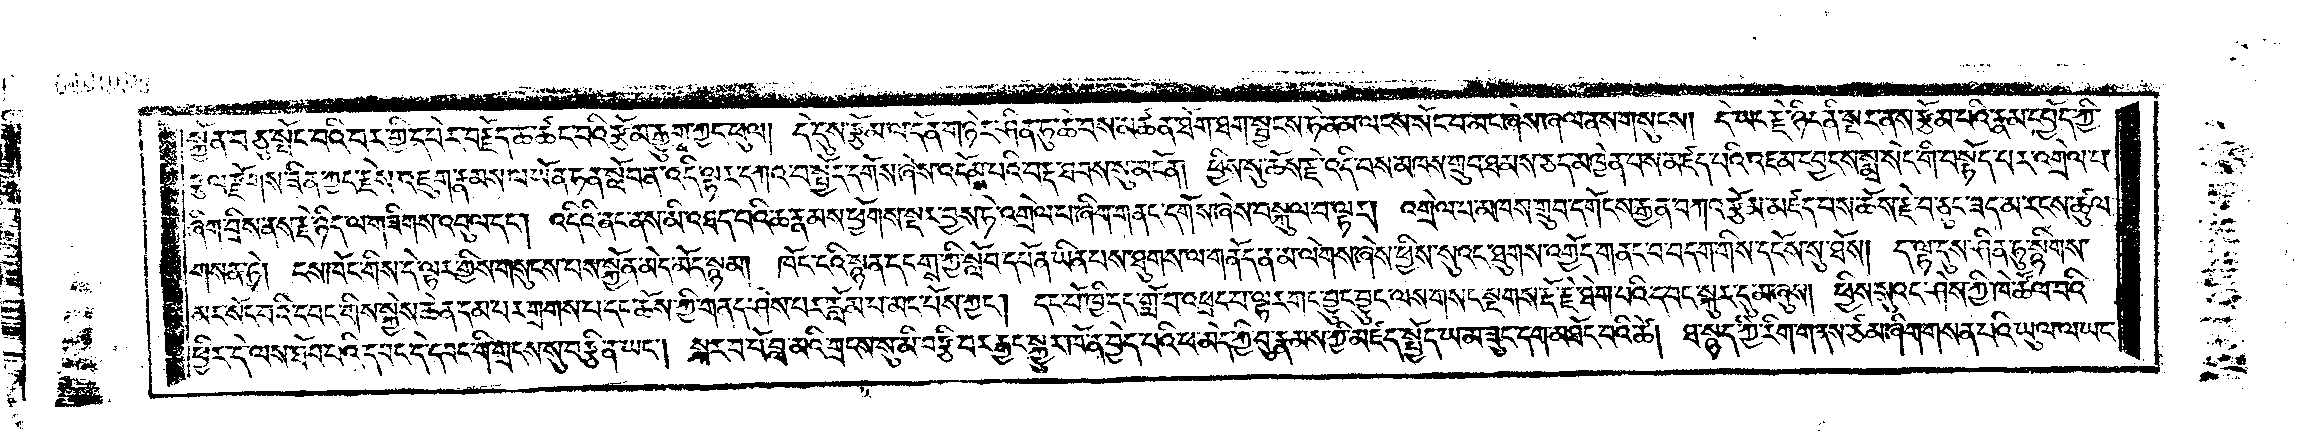སྐྱོན་བཅུ་སྤོང་བའི་བར་གྱི་དཔེར་བརྗོད་ཆ་ཚང་བའི་རྩོམ་རྒྱུགས་ཀྱང་ཕུལ། དེ་དུས་རྩོམ་ལ་དོན་གཉེར་ཤིན་ཏུ་ཆེ་བས་མཚན་ཐོག་ཐག་སྦྱངས་ཏེ་ནམ་ལངས་སོང་བ་མང་ཞེས་ཞལ་ནས་གསུངས། དེ་ཡང་རྗེ་ཉིད་ནི་སྔར་ནས་རྩོམ་པའི་རྣམ་དཔྱོད་ཀྱི་
རྩལ་རྫོགས་ཟིན་ཀྱང་རྗེས་འཇུག་རྣམས་ལ་ཡོན་ཏན་སློབ་ན་འདི་ལྟར་དཀའ་བ་སྤྱོད་དགོས་ཞེས་འདོམས་པའི་བརྡ་ཐབས་སུ་མངོན། ཕྱིས་སུ་ཆོས་རྗེ་འདི་བས་མཁས་གྲུབ་ཐམས་ཅད་མཁྱེན་བས་མཛད་པའི་འཇམ་དབྱངས་སྨྲ་སེང་གི་བསྟོད་པར་འགྲེལ་པ་
ཞིག་བྲིས་ནས་རྗེ་ཉིད་ལ་གཟིགས་འབུལ་དང་། འདིའི་ནང་ནས་མི་འཐད་པའི་ཆ་རྣམས་ཕྱོགས་སྔར་བྱས་ཏེ་འགྲེལ་པ་ཞིག་གནང་དགོས་ཞེས་བསྐུལ་བ་ལྟར། འགྲེལ་པ་མཁས་གྲུབ་དགོངས་རྒྱན་བཀའ་རྩོམ་མཛད་པས་ཆོས་རྗེ་བ་ཅུང་ཟད་མ་རངས་ཚུལ་
གསན་ཏེ། ངས་ཁོང་གིས་དེ་ལྟར་གྱིས་གསུངས་པས་སྐྱོན་མེད་མོད་སྙམ། ཁོང་ངའི་སྙན་དངགས་ཀྱི་སློབ་དཔོན་ཡིན་པས་ཐུགས་ལ་གནོད་ན་མ་ལེགས་ཞེས་ཕྱིས་སུའང་ཐུགས་འགྱོད་གནང་བ་བདག་གིས་དངོས་སུ་ཐོས། ད་ལྟ་དུས་ཤིན་ཏུ་སྙིགས་
མང་སོང་བའི་དབང་གིས་སྐྱེས་ཆེན་དམ་པར་གྲགས་པ་དང་ཆོས་ཀྱི་གནད་ཤེས་པར་རློམ་པ་མང་པོས་ཀྱང་། དང་པོ་ཁྱི་དང་གློ་བ་འཕྲད་པ་ལྟར་གང་བྱུང་བྱུང་ལས་གསང་སྔགས་རྡོ་རྗེ་ཐེག་པའི་དབང་སྐུར་དུ་མ་ཞུས། ཕྱིས་སུའང་ཤེས་ཀྱི་ཁེ་ཚོལ་བའི་
ཕྱིར་དེ་ལས་ཐོབ་པའི་དབང་དེ་དབང་གི་གྲངས་སུ་བརྩིན་ཡང་། སྐར་བ་བོ་བླ་མའི་གྲངས་སུ་མི་བརྩི་བར་རྒྱང་སྐྱུར་ཁོན་བྱེད་པའི་ཕ་མེད་ཀྱི་བུ་རྣམས་ཀྱི་མཛད་སྤྱོད་ཡ་མ་ཟུང་དག་མཐོང་བའི་ཚེ། ཐ་སྙད་ཀྱི་རིག་གནས་ཙམ་ཞིག་གསན་པའི་ཡུལ་ལ་ཡང་